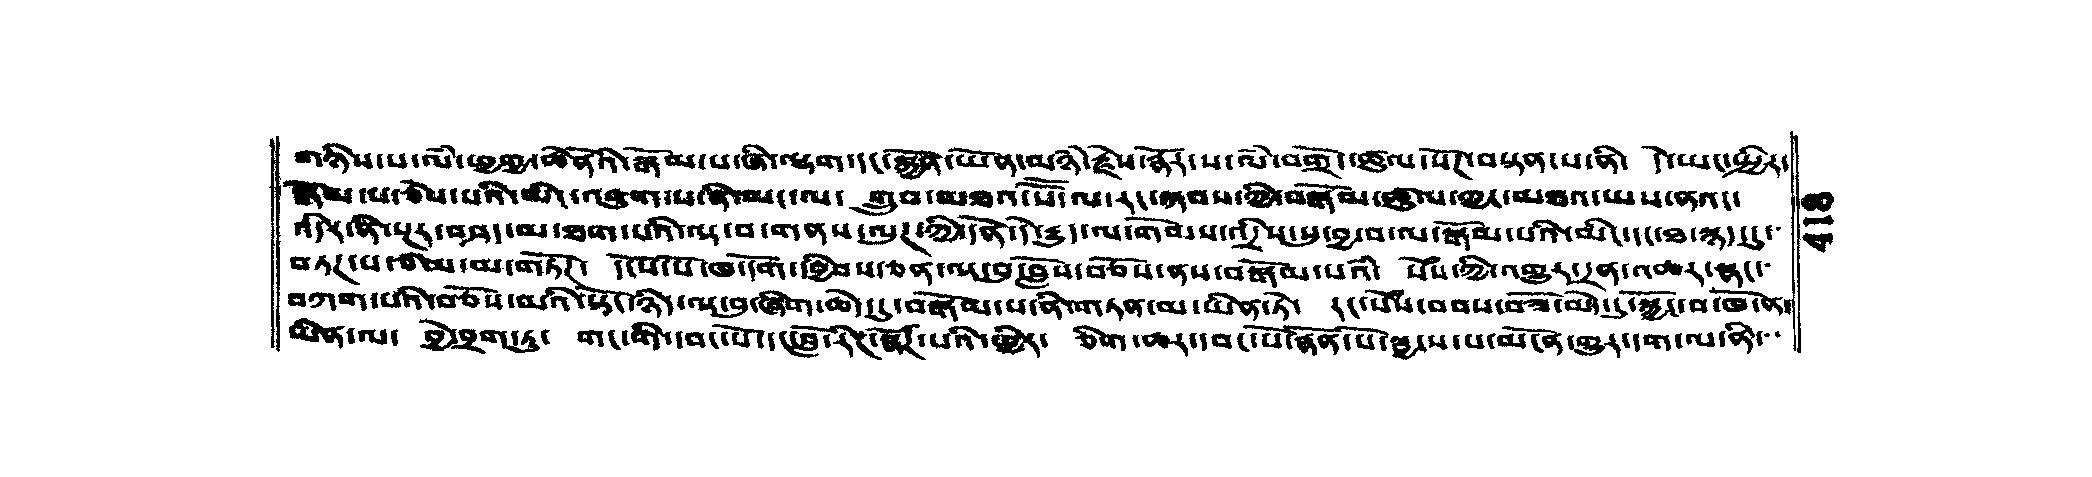གཉིས་པ་ལམ་གྱི་ཕྱག་རྒྱ་ཆེན་པོའི་སྒོམ་པ་ཞི་ལྷག་དང་། སྐྱོན་ཡོན་མཉམ་རྗེས་རྣལ་འབྱོར་ས་ལམ་བགྲོད་ཚུལ་སོགས་བསྟན་པ་ནི། དེ་ཡང་སྤྱིར་
སྒོམ་པ་ཞེས་པའི་མིང་འཇུག་པ་ནི་མང་ལ། གྲུབ་མཐའ་སོ་སོ་ལ་རང་སྐབས་ཀྱི་བསྒོམ་ཚུལ་ཡང་མཐའ་ཡས་ནའང་། 
འདིར་ནི་སྔར་བཤད་མ་ཐག་པའི་ལྟ་བ་གནས་ལུགས་ཀྱི་དོན་དེ་རྒྱུད་ལ་གོམས་འདྲིས་སུ་བྱ་བ་ལ་སྒོམ་པའི་མིང་དང་ཐ་སྙད་དུ་
བཏགས་པ་ཙམ་མ་གཏོགས། དངོས་པོ་ཁ་དོག་དབྱིབས་ཅན་ལྟ་བུ་བློས་བཅོས་ནས་བསྒོམ་པའམ། སེམས་ཀྱི་འགྱུ་དྲན་འཆར་སྣང་
བཀག་པའི་བཅོས་མའི་སྟོང་ཉིད་ལྟ་བུ་ཞིག་ཆེད་དུ་བསྒོམ་པ་ནི་གཏན་ནས་མ་ཡིན་ཏེ།རང་སེམས་ཀྱི་བབས་བཟོ་མེད་དུ་སྐྱོང་བ་ཁོ་ན་
ཡིན་ལ། བྲེ་བྲག་ཏུ་གང་ཟག་གི་དབང་པོ་དང་བློ་རིགས་སྣ་ཚོགས་པའི་ཕྱིར། ཅིག་ཆར་དབང་པོ་རྣོན་པོ་སྦྱངས་པ་མངོན་གྱུར་དག་ལ་ནི་